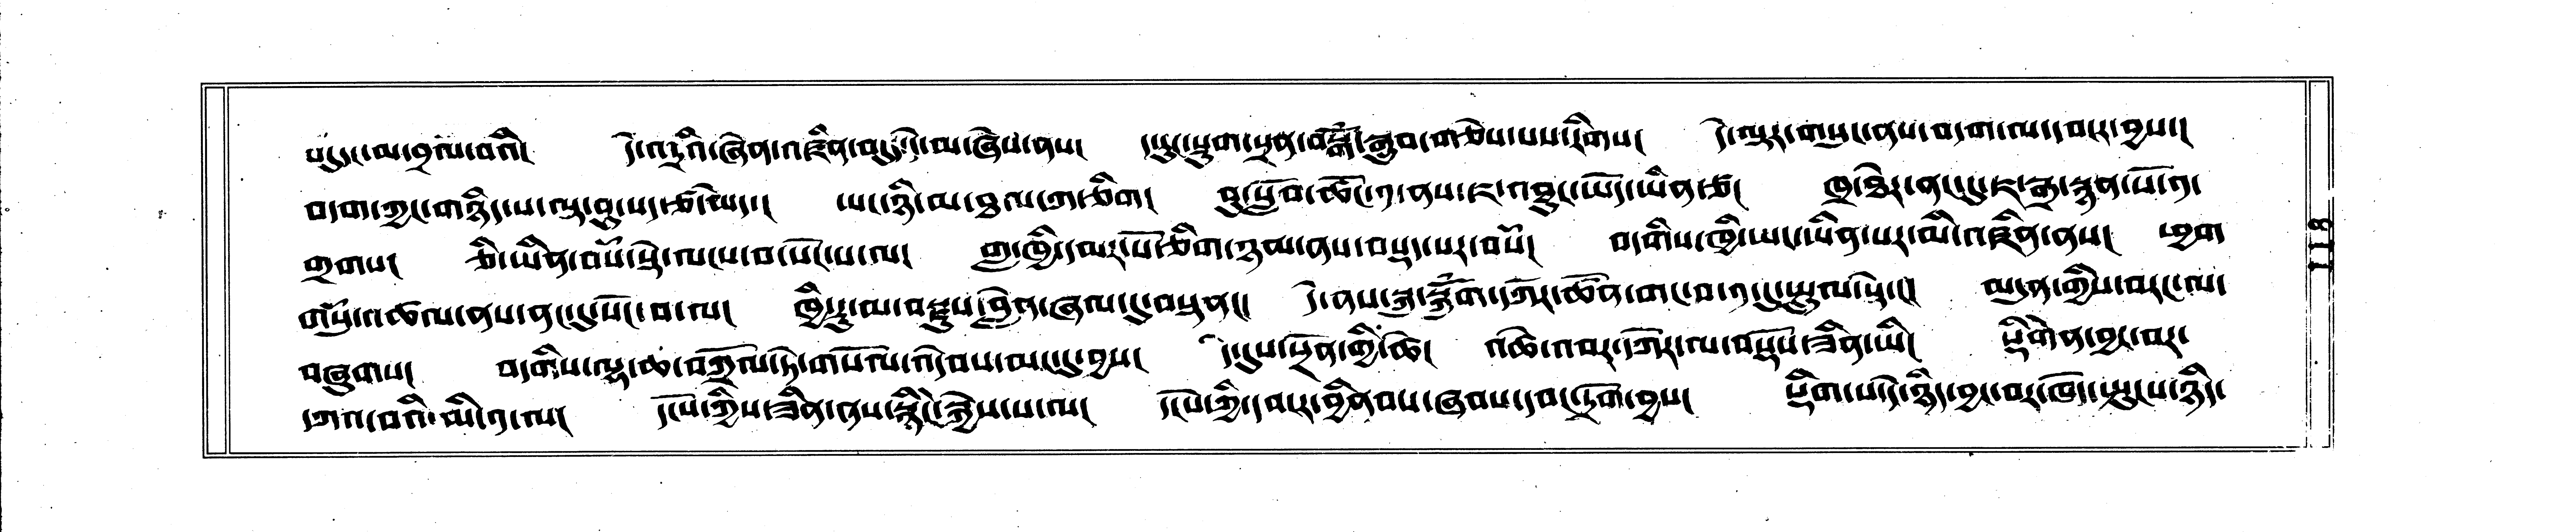བདུད་དང་མ་བྲལ་བའི། དེ་འདྲའི་ཞེན་འཛིན་བདུད་དེ་མ་ཞེས་ནས། ད་རུང་སྡུག་སྲན་བསྒོམ་སྒྲུབ་གཅེས་པས་རིགས། དེ་ལྟར་གསུངས་ནས་བདག་ལ་དབང་བསྐུར་བྱས། 
བདག་ཀྱང་གཉིད་པ་ལྟ་བུ་སད་ཙ་མེད། ཡང་ཉི་མ་ཐལ་ཀ་ཅིག བུ་སློབ་ཚོང་༼ཚོ༽གཅིག་ནས་ཇ་འཐུང་ཡོད་ཡིན་ཙ། ཁྲ་ཐེར་ནང་དུ་ཇ་སྒྲ་སྙན་པོ་
གྲགས། ཅི་ཡིན་བསམ་སྟེ་ལངས་བར་སོང་པ་ལ། གླ་ཁྱི་དམར་པོ་ཅིག་ཉལ་ནས་བསྡད་པར་བསམ། བདག་གིས་ཁྱི་ཡང་ཡིན་པར་མི་འཛིན་ནས། ཕྱག་
གསུམ་འཚལ་ནས་ནང་དུ་སོང་བ་ལ། ཁྱི་རུ་མ་བརྫུས་བླ་ཆེན་ཞལ་དུ་བསྟན།། དེ་ནས་སྐུ་སྐུ་མདོག་དཀར་པོ་ཚོན་གང་བ་གཅིག་དུ་སྤྲུལ་སྟེ། མདུན་གྱི་བར་ལ་
བཞུགས། བདག་གིས་ལྷ་ཆ་བཀྲོལ་ཏེ་གསོལ་འདེབས་མང་དུ་བྱས། དེ་དུས་སྔོན་གྱི་ཚེ། འཚེ་འབར་དཀོར་ལ་བསྡོས་ཟིན་ཡི། སྡིག་ཆེན་བྱང་བར་
དཀའ་བའི་མི་གཅིག་ལ། དངོས་ཀྱིས་ཟིན་ནས་སྙིང་རྗེ་སྐྱེས་པ་ལ། དངོས་ཀྱི་དབང་བསྐུར་བྱིན་རླབས་ཞབས་དབང་དྲག་པོ་བྱས། སྡིག་པ་དེ་ཉིད་བྱང་བར་ཁོད་སྤུངས་ཉིད་